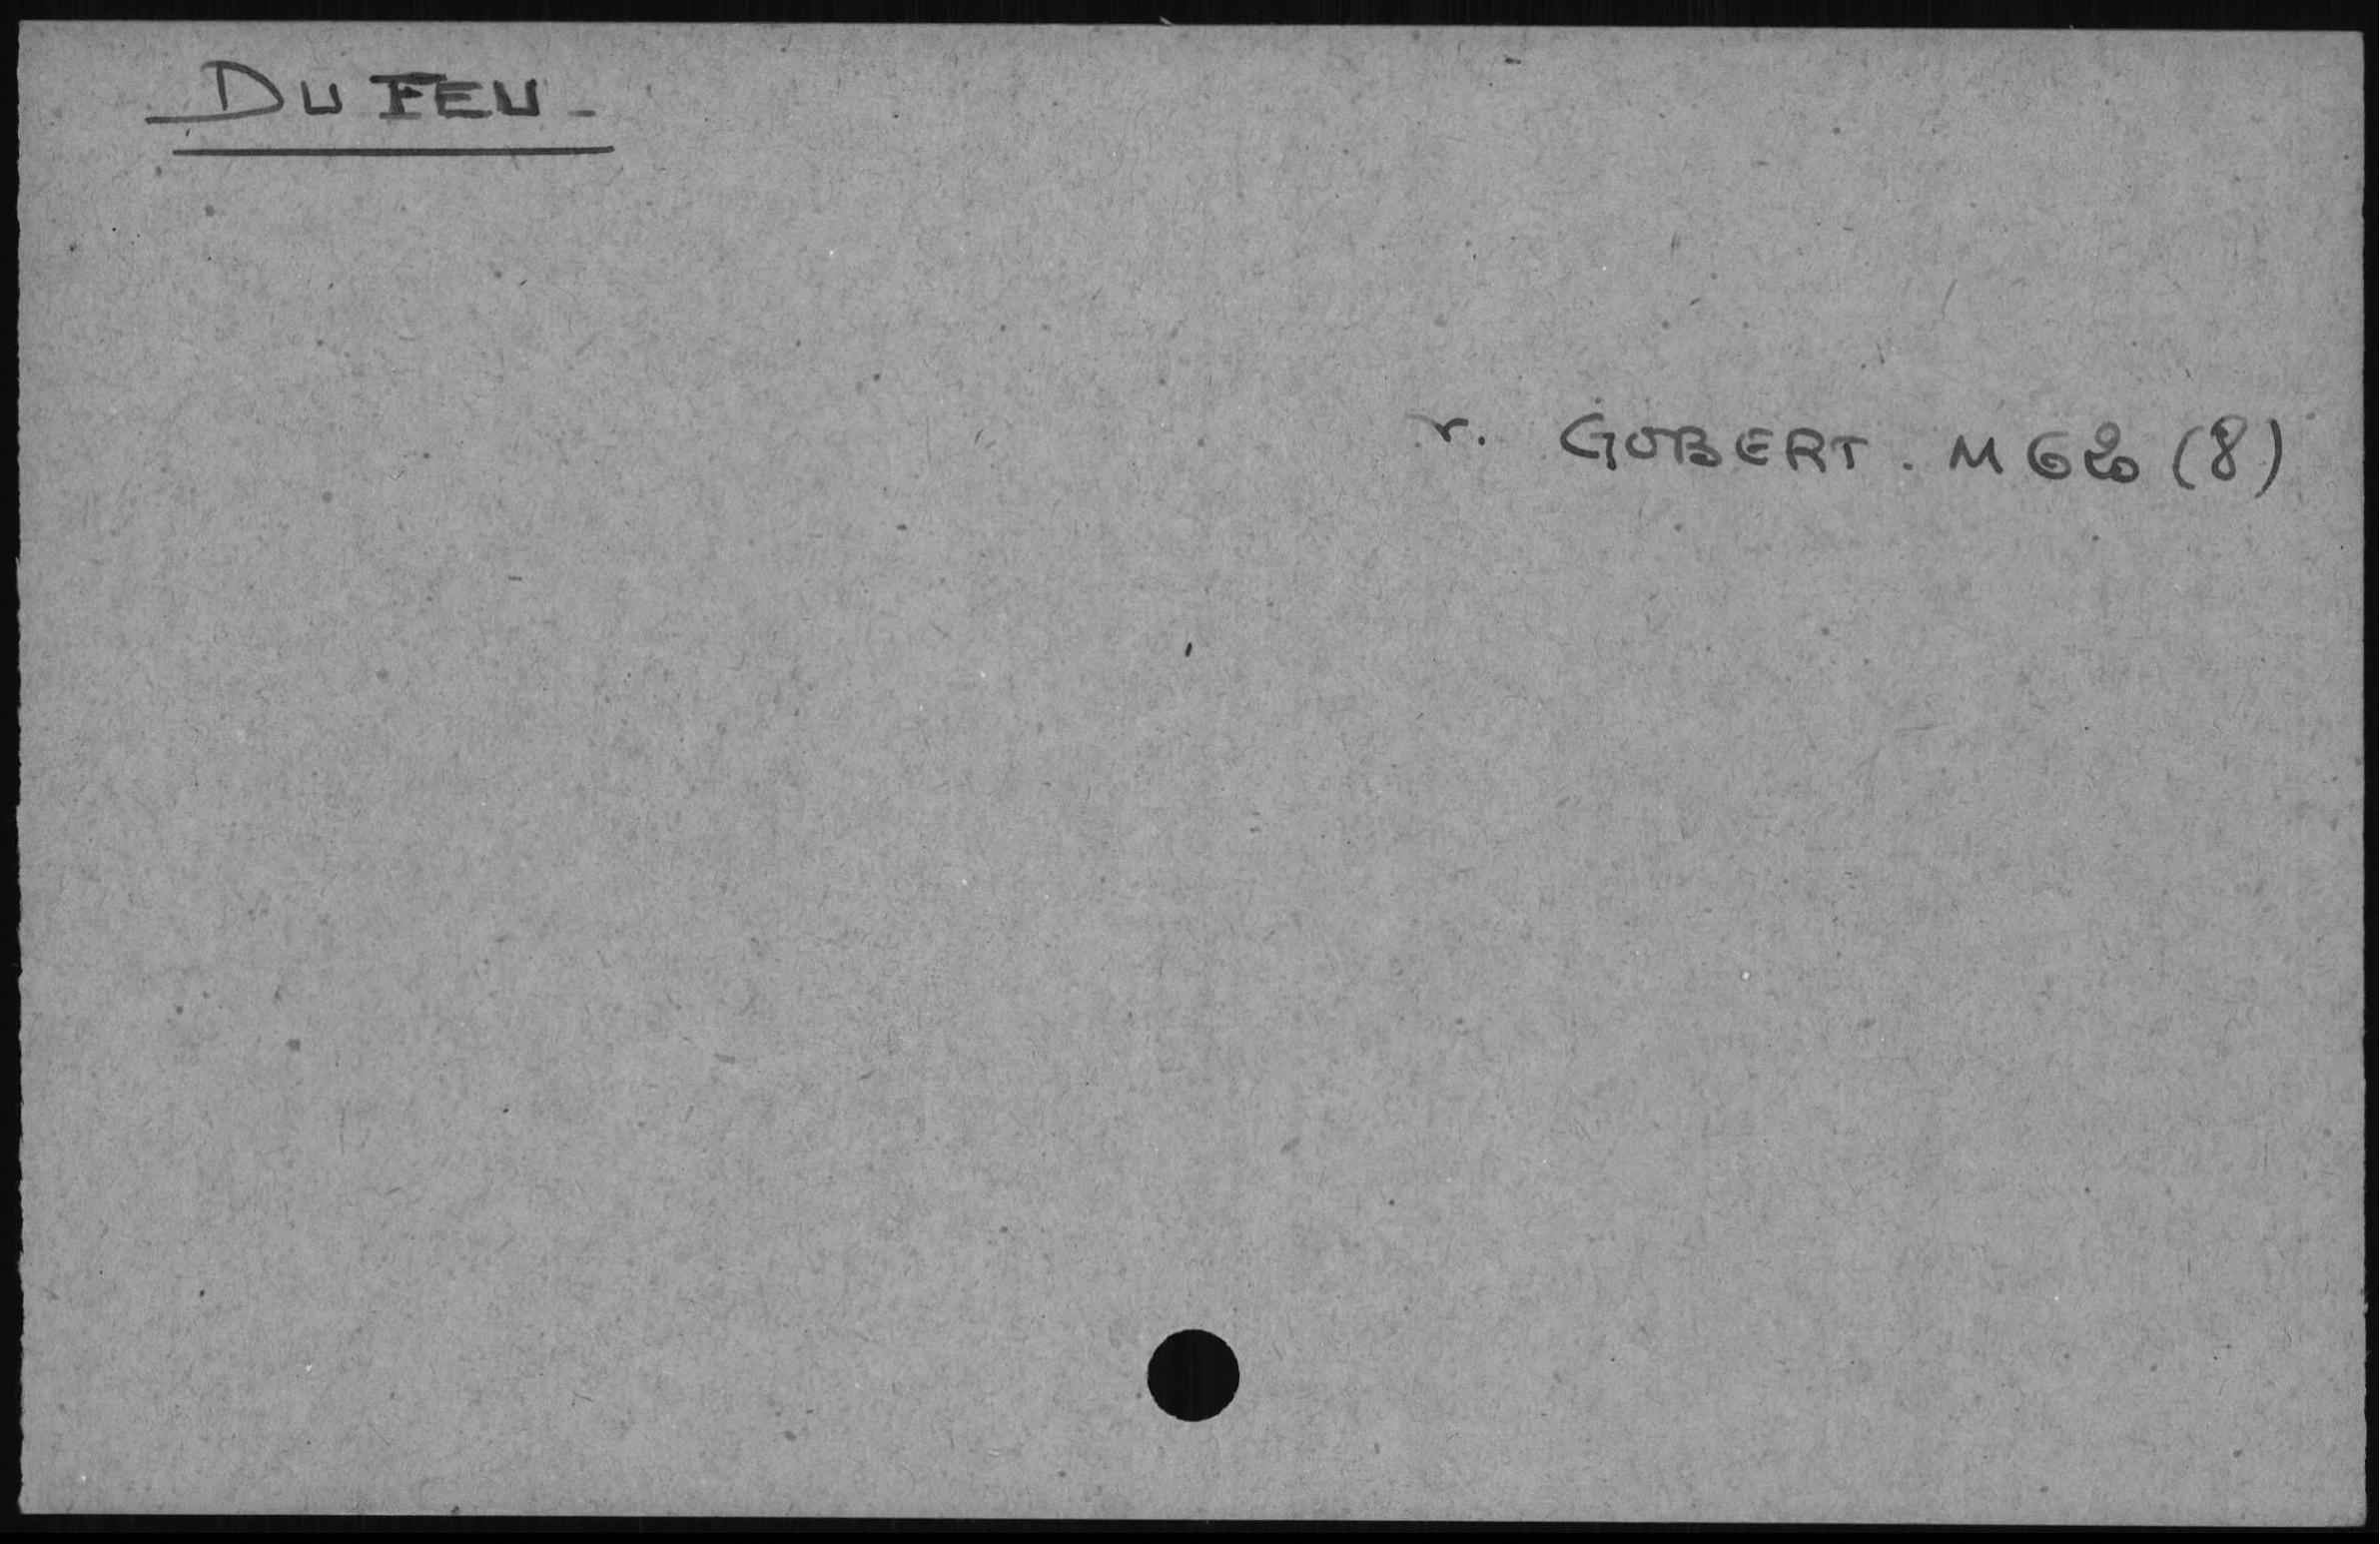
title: DU FEU.
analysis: voir : GOBERT.
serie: M
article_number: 620
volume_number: (8)
